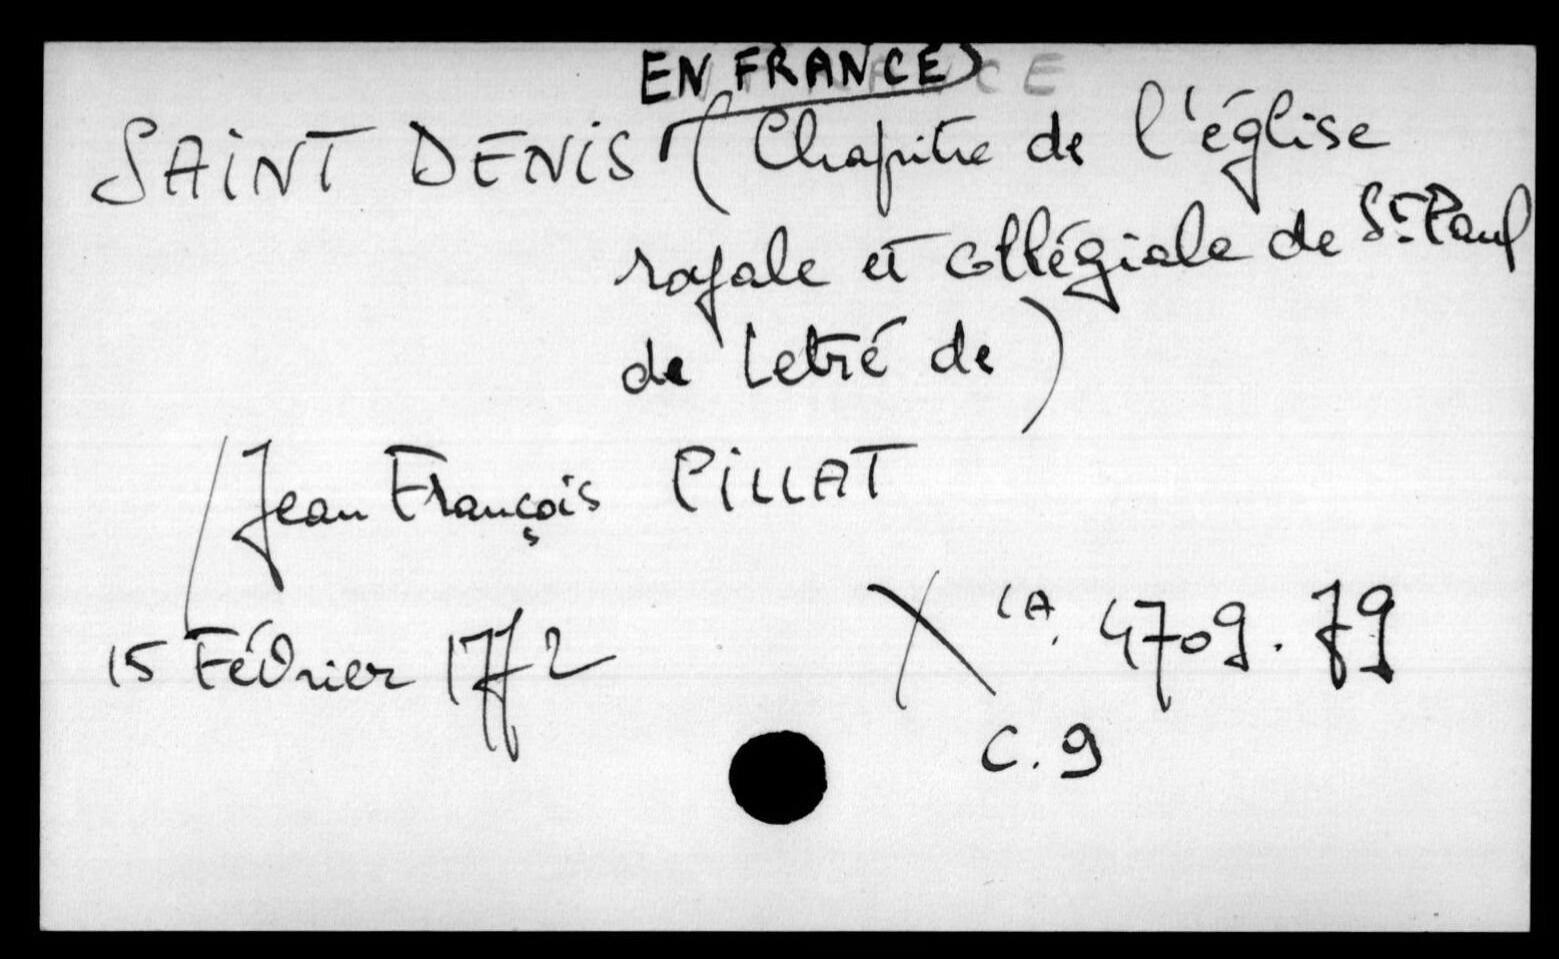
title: SAINT-DENIS EN FRANCE (Chapitre de l'église royale et Collégiale de Saint Paul de Letré de)
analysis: Contre Jean François PILLAT
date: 15 février 1772
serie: X1A
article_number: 4709
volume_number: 79 Conseil, 9
